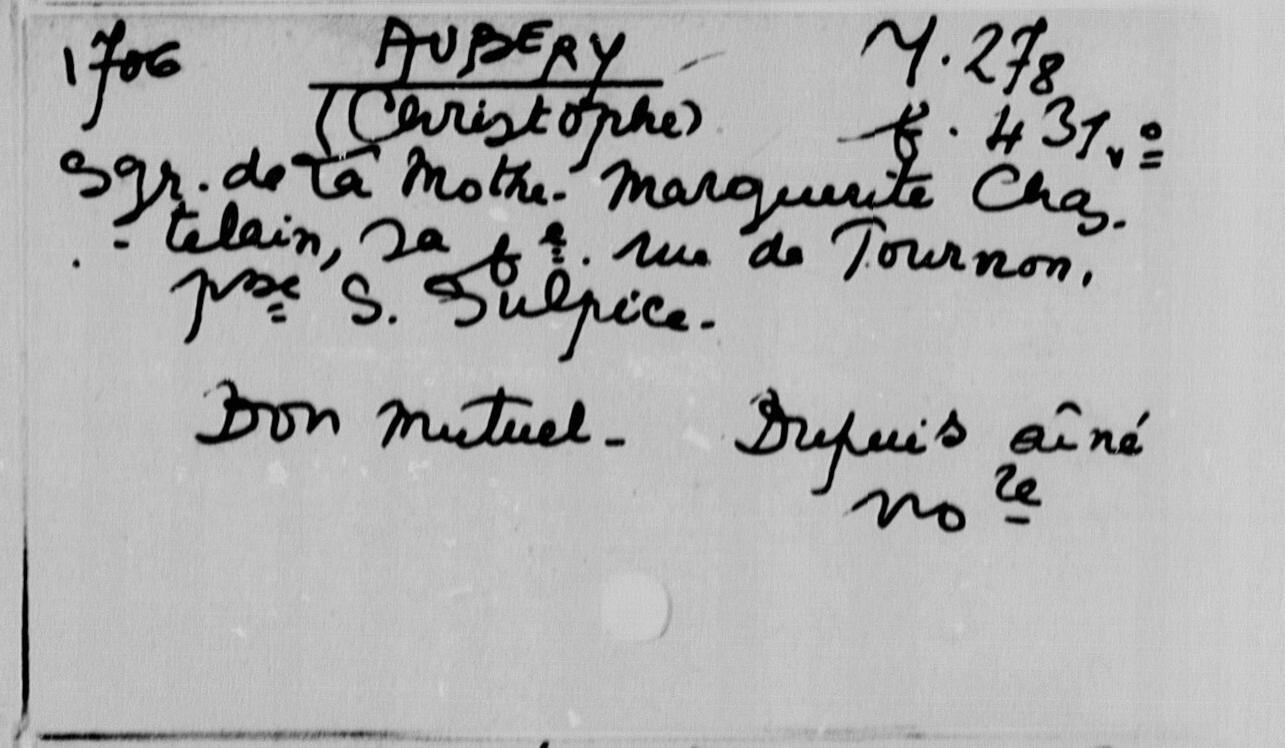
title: AUBERY (Christophe)
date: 1706
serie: Y
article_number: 278
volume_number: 431v
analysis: Seigneur de la Mothe. Marguerite CHASTELAIN, sa femme, rue de Tournon, paroisse Saint-Sulpice. Don mutuel. Dupuis aîné, notaire.
